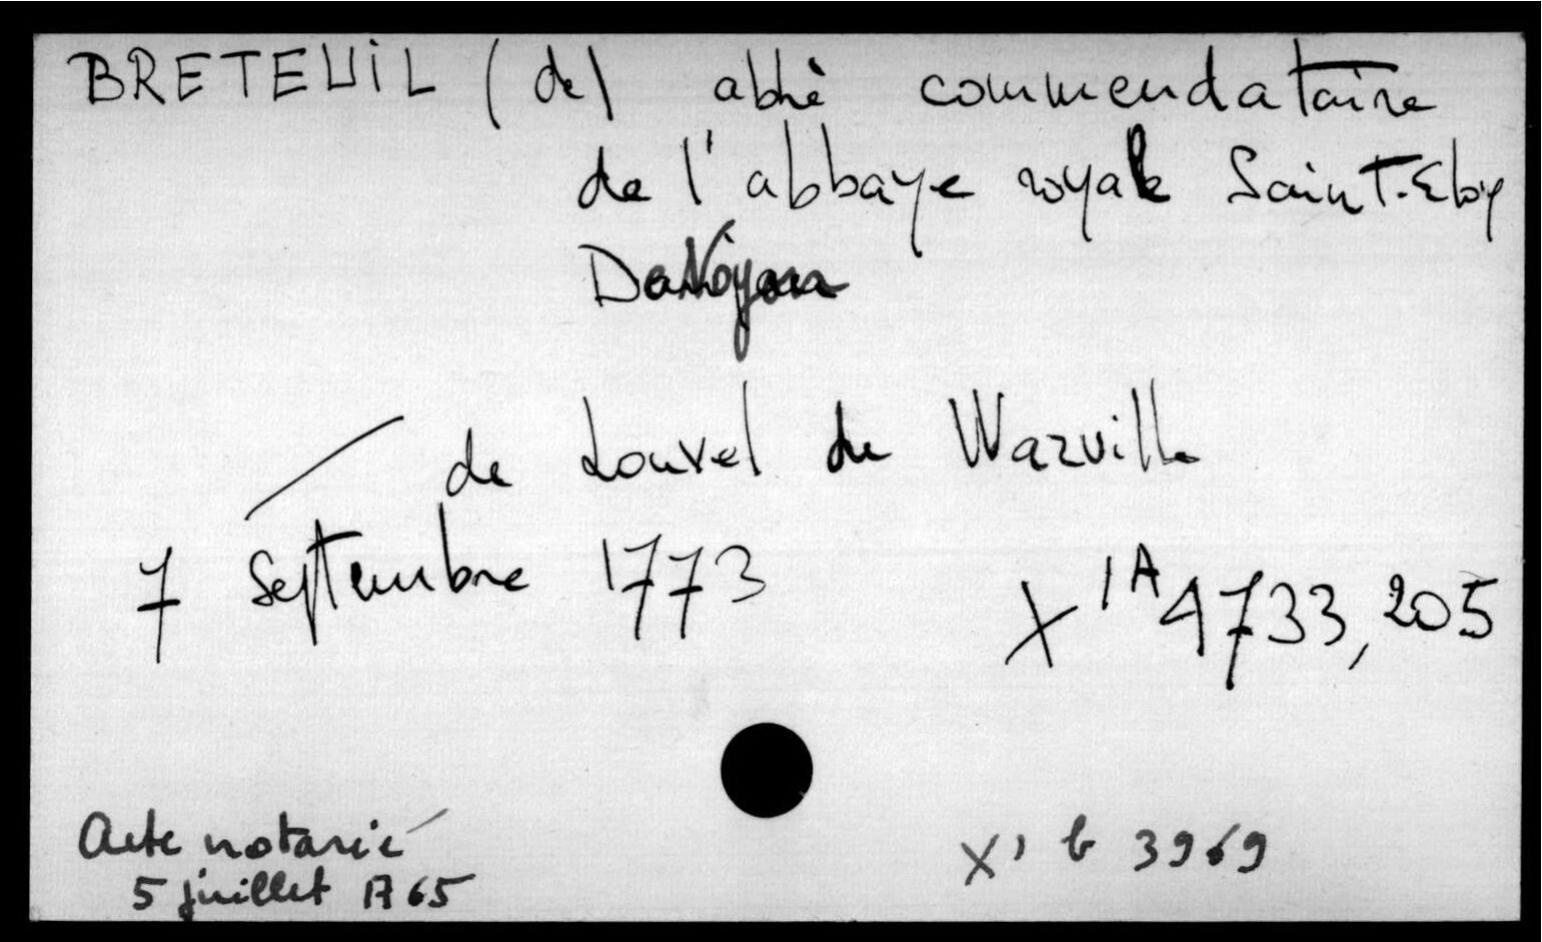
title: BRETEUIL (de) abbé commendataire de l'abbaye royale Saint-Éloy
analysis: Contre de Louvel du Warville
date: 7 septembre 1773
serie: X1A
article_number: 4733
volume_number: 205
